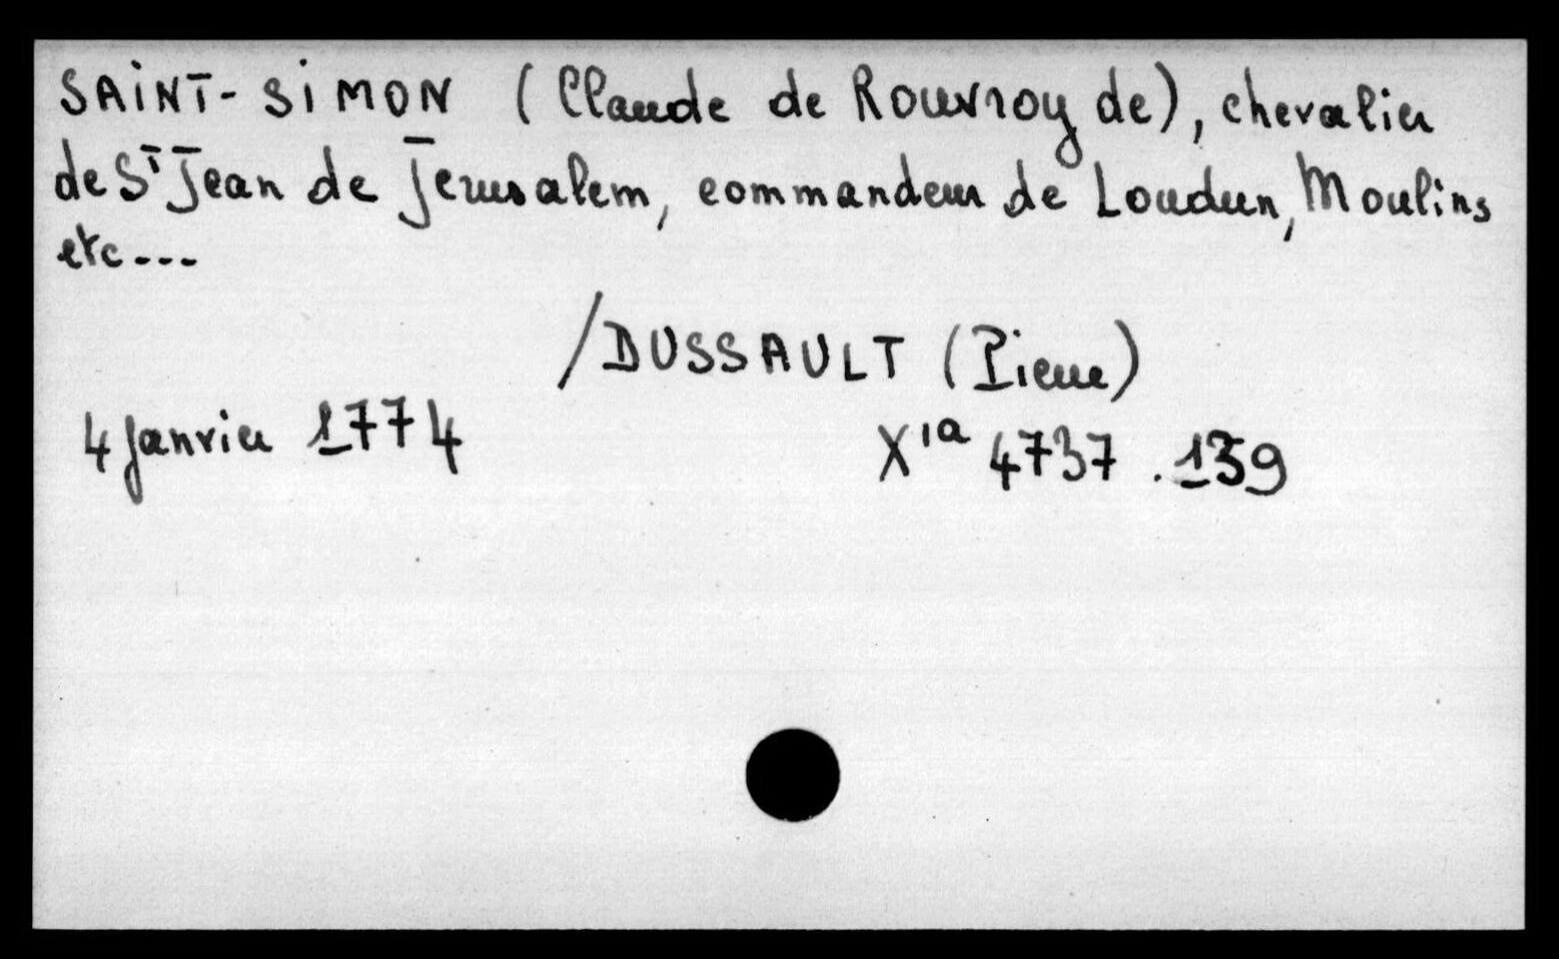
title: SAINT-SIMON (Claude de Rouvroy de), chevalier de Saint-Jean de Jerusalem, commandeur de Loudun, Moulins etc...
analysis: Contre DUSSAULT (Pierre)
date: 4 janvier 1774
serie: X1a
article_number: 4737
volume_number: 159
